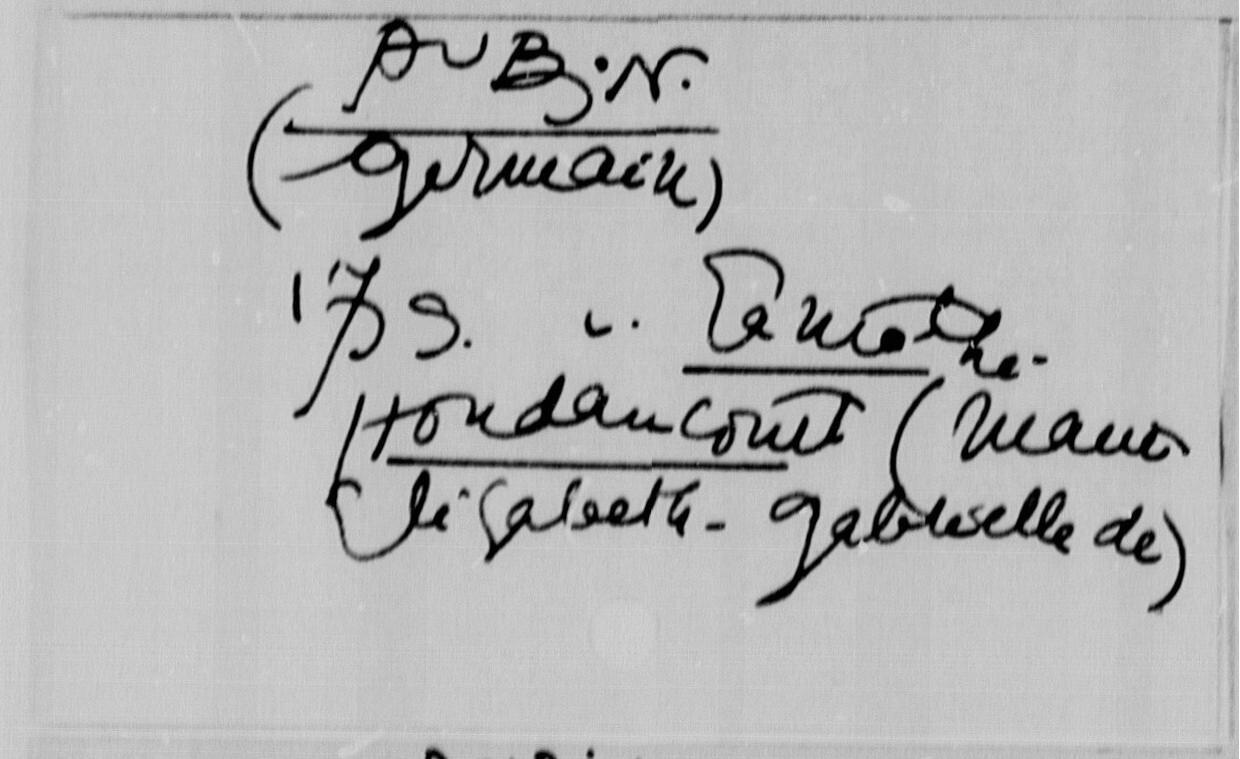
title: AUBIN (Germain)
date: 1709
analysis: Voir LAMOTHE HOUDANCOURT (Marie-Élisabeth-Gabrielle de)
